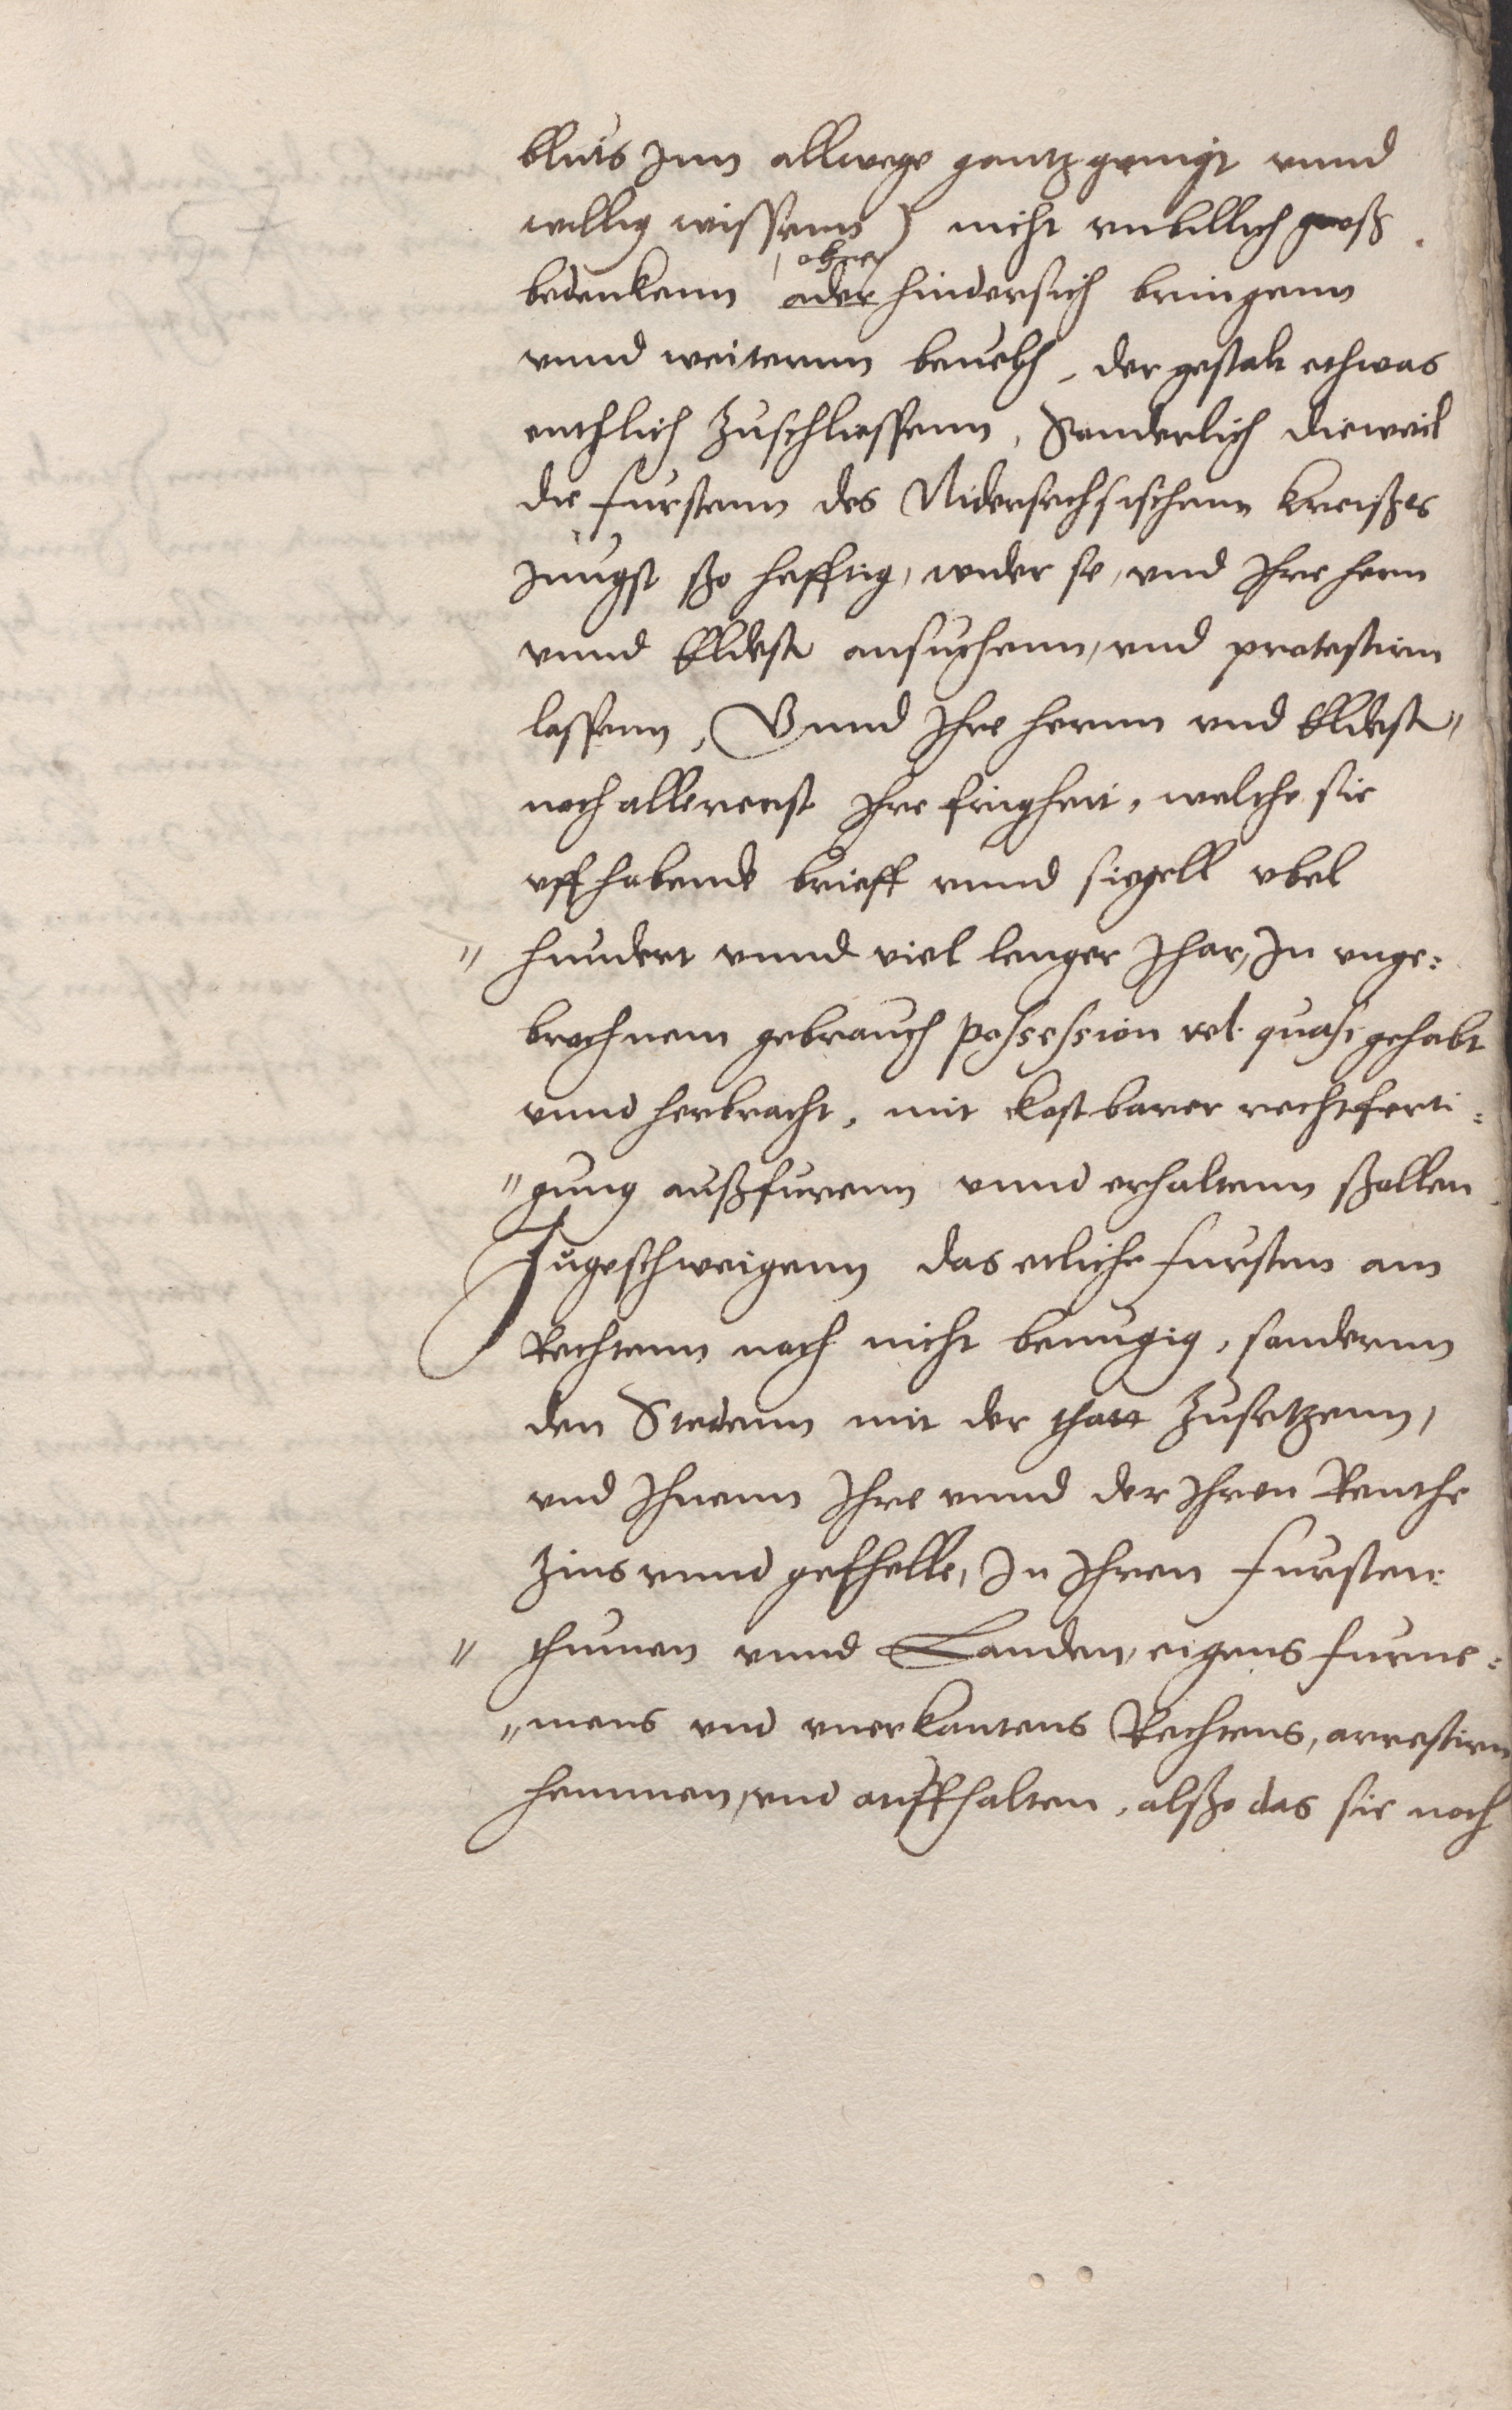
bluts jnn allwege gantz genigt vnnd
willig wissenn) nicht vnbillich groß
bedenkenn ohrer ader hindersich bringenn
vnnd weiternn beuelh, der gestalt ethwas
enthlich zuschliessenn, Sonderlich dieweil
die Furstenn des Nidersechsischenn kreißes
jungst ßo hefftig, wider se, vnd jhre hern
vnnd Eldesten ansuchenn, vnd protestirn
lassenn, Vnnd jhre hernn vnd Eldesten
noch allererst jhre frigheit, welche sie
vff habende brieff vnnd siegell vbel¬
hundert vnnd viel lenger jhar, jn vnge¬
brochnem gebrauch possession vel quasi gehabt
vnnd herbracht, mit kostbarer rechtferti¬
gung außfurenn vnnd erhaltenn ßollen
Zugeschweigenn das etliche Fursten am
Rechtenn noch nicht benugig, sondernn
den Stedenn mit der thatt zusetzenn,
vnd jhnenn jhre vnnd der jhren Renthe
zins vnnd gefhelle, jn jhren Fursten¬
thumen vnnd Landen eigens furne¬
mens vnd vnerkantens Rechtens, arrestirn
hemmen, vnd auffhalten, alßo das sie noch
